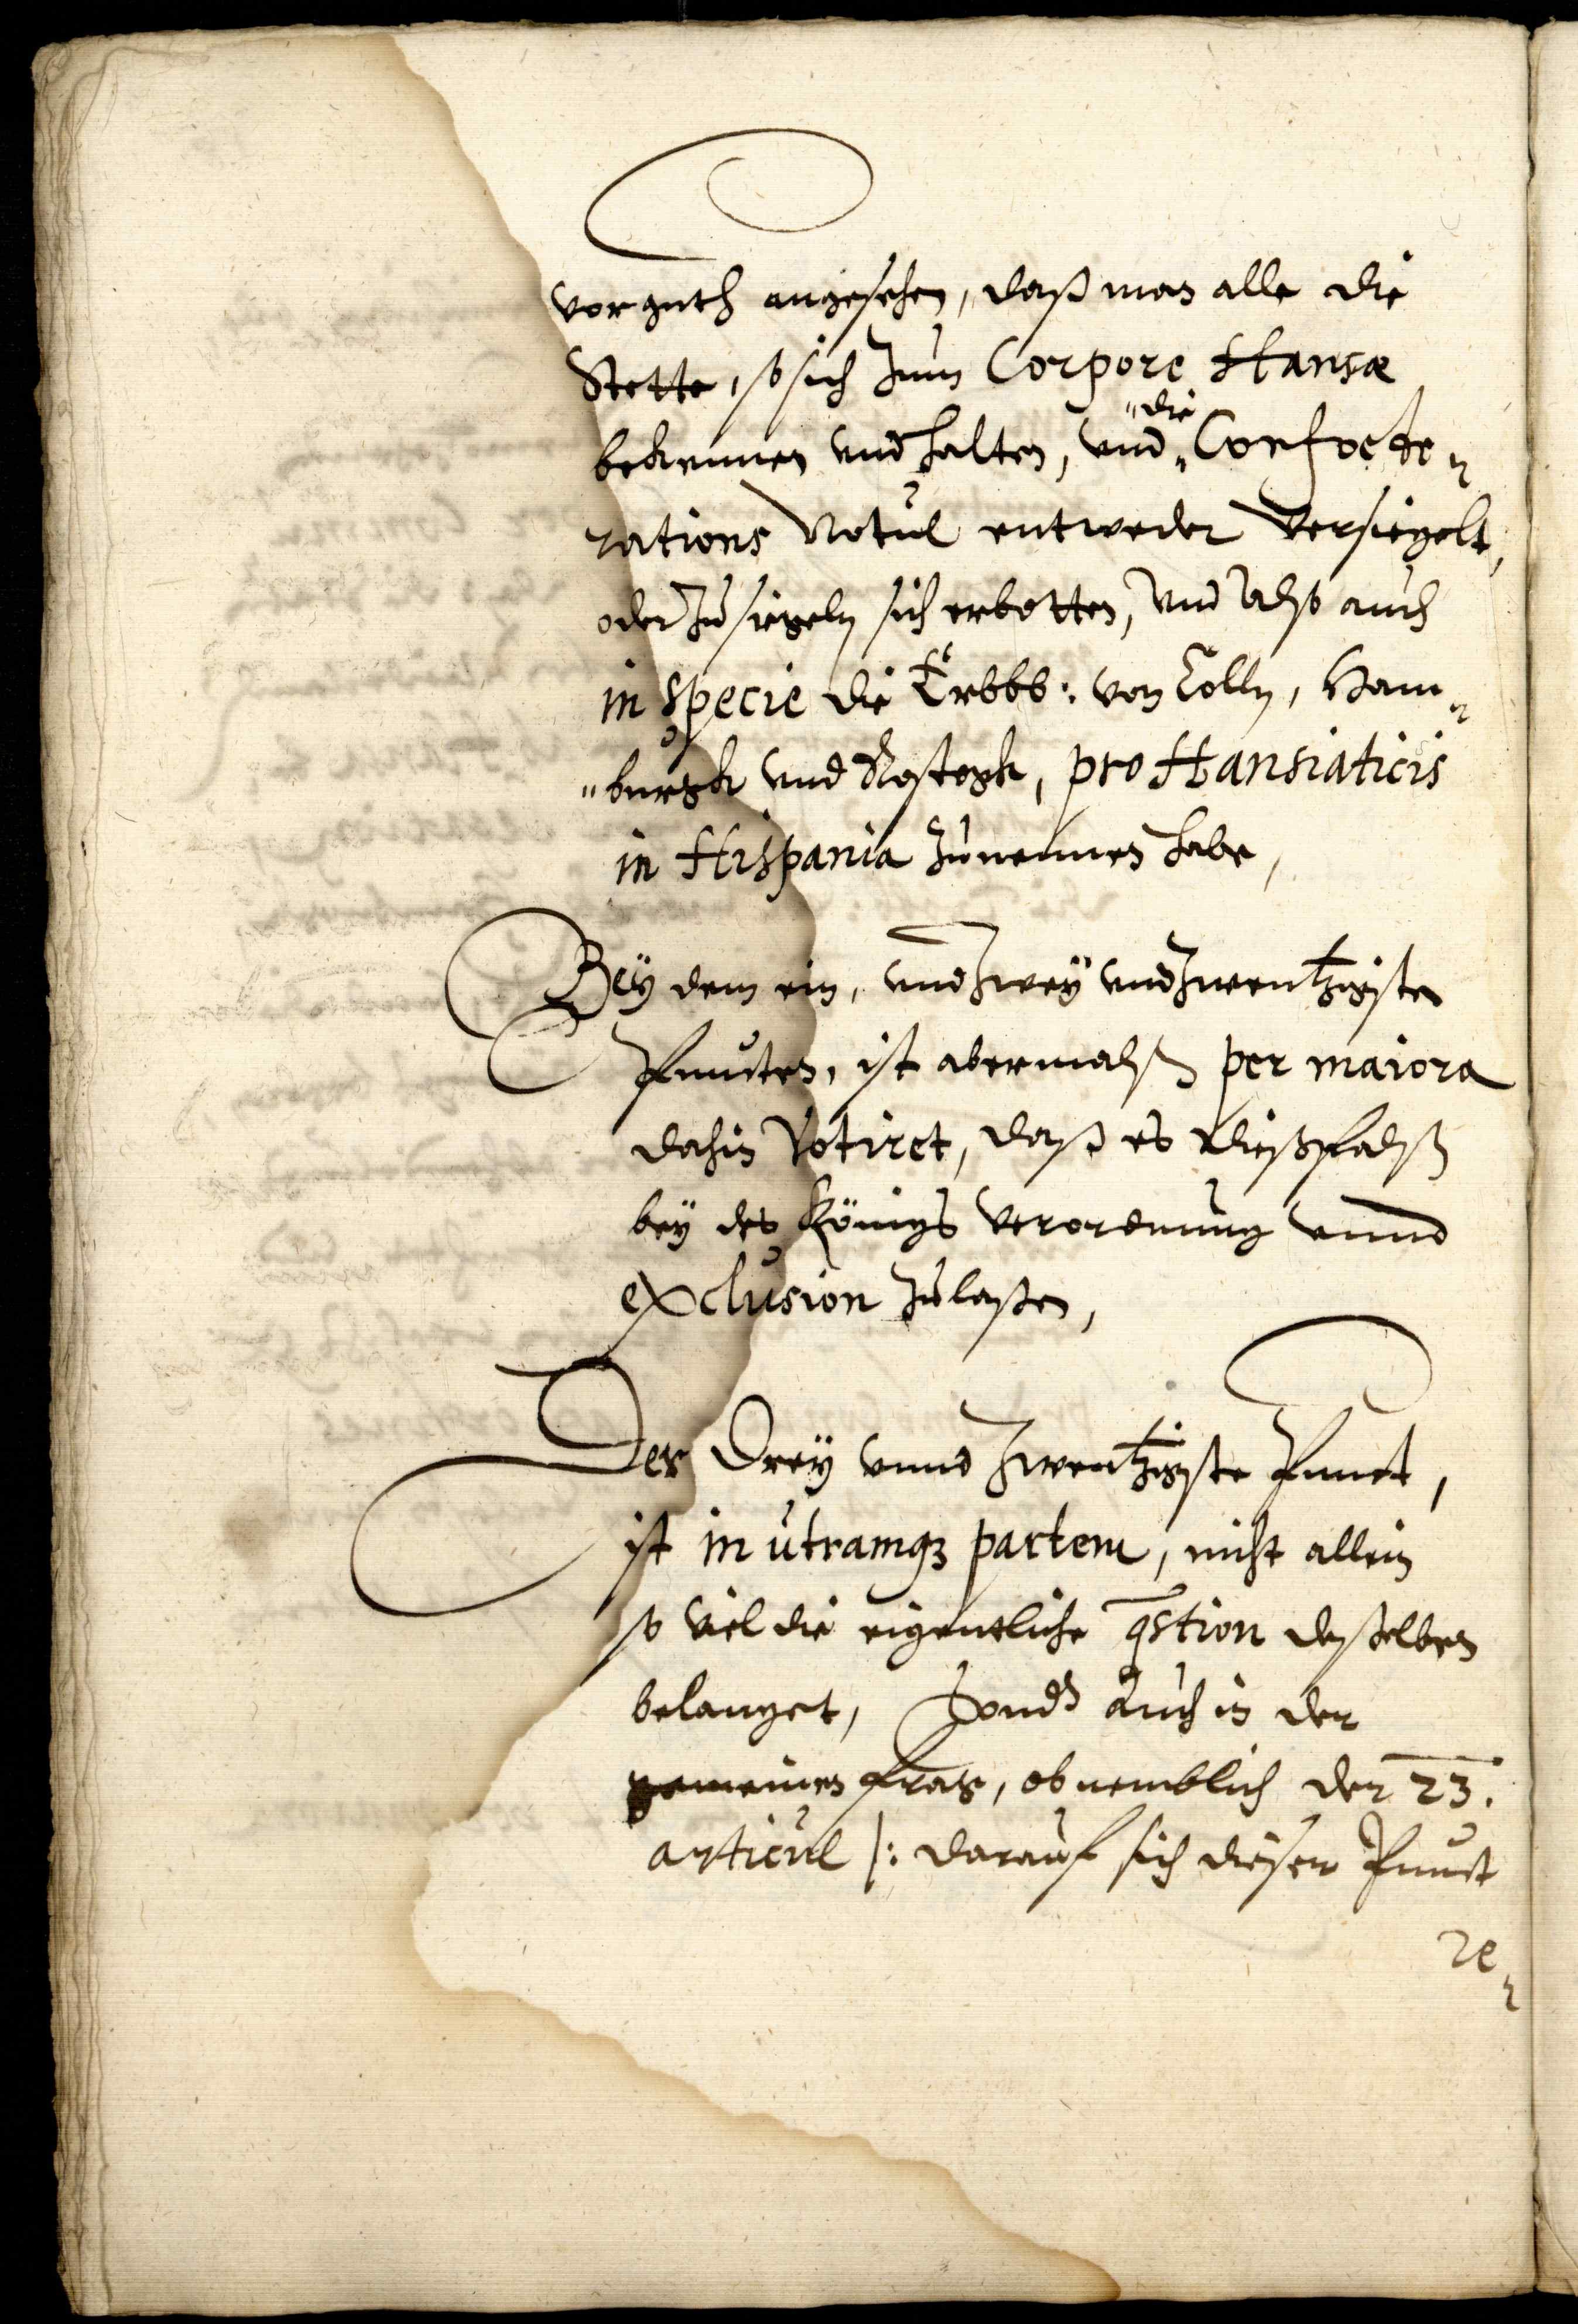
vor guth angesehen, daß man alle die
Stette, so sich zum Corpore Hansa
die
bekennen vnd halten, vnd Conforte¬
rations Notul entweder versiegelt,
oder zu siegeln sich erbotten, vnd alß auch
in specie die Erbbb: von Cölln, Ham¬
burgk vnd Rostogk, pro Hansiaticis
in Hispania zu nennen haben,
Beij dem ein, vnd Zweij vnd Zwantzigsten
Puncten, ist abermalß per maiora
dahin Votiret, daß es dißfalß
beij des Königs Verordnung vnnd
exclusion zu laßen,
Der Dreij vnnd Zwantzigste Punct,
ist in utramos partem, nicht allein
so viel die eigentliche question deßelben
belanget, sondern auch in der
gemeinen frage, ob nemblich der 23.
articul |:darauf sich dieser Punct
re¬
